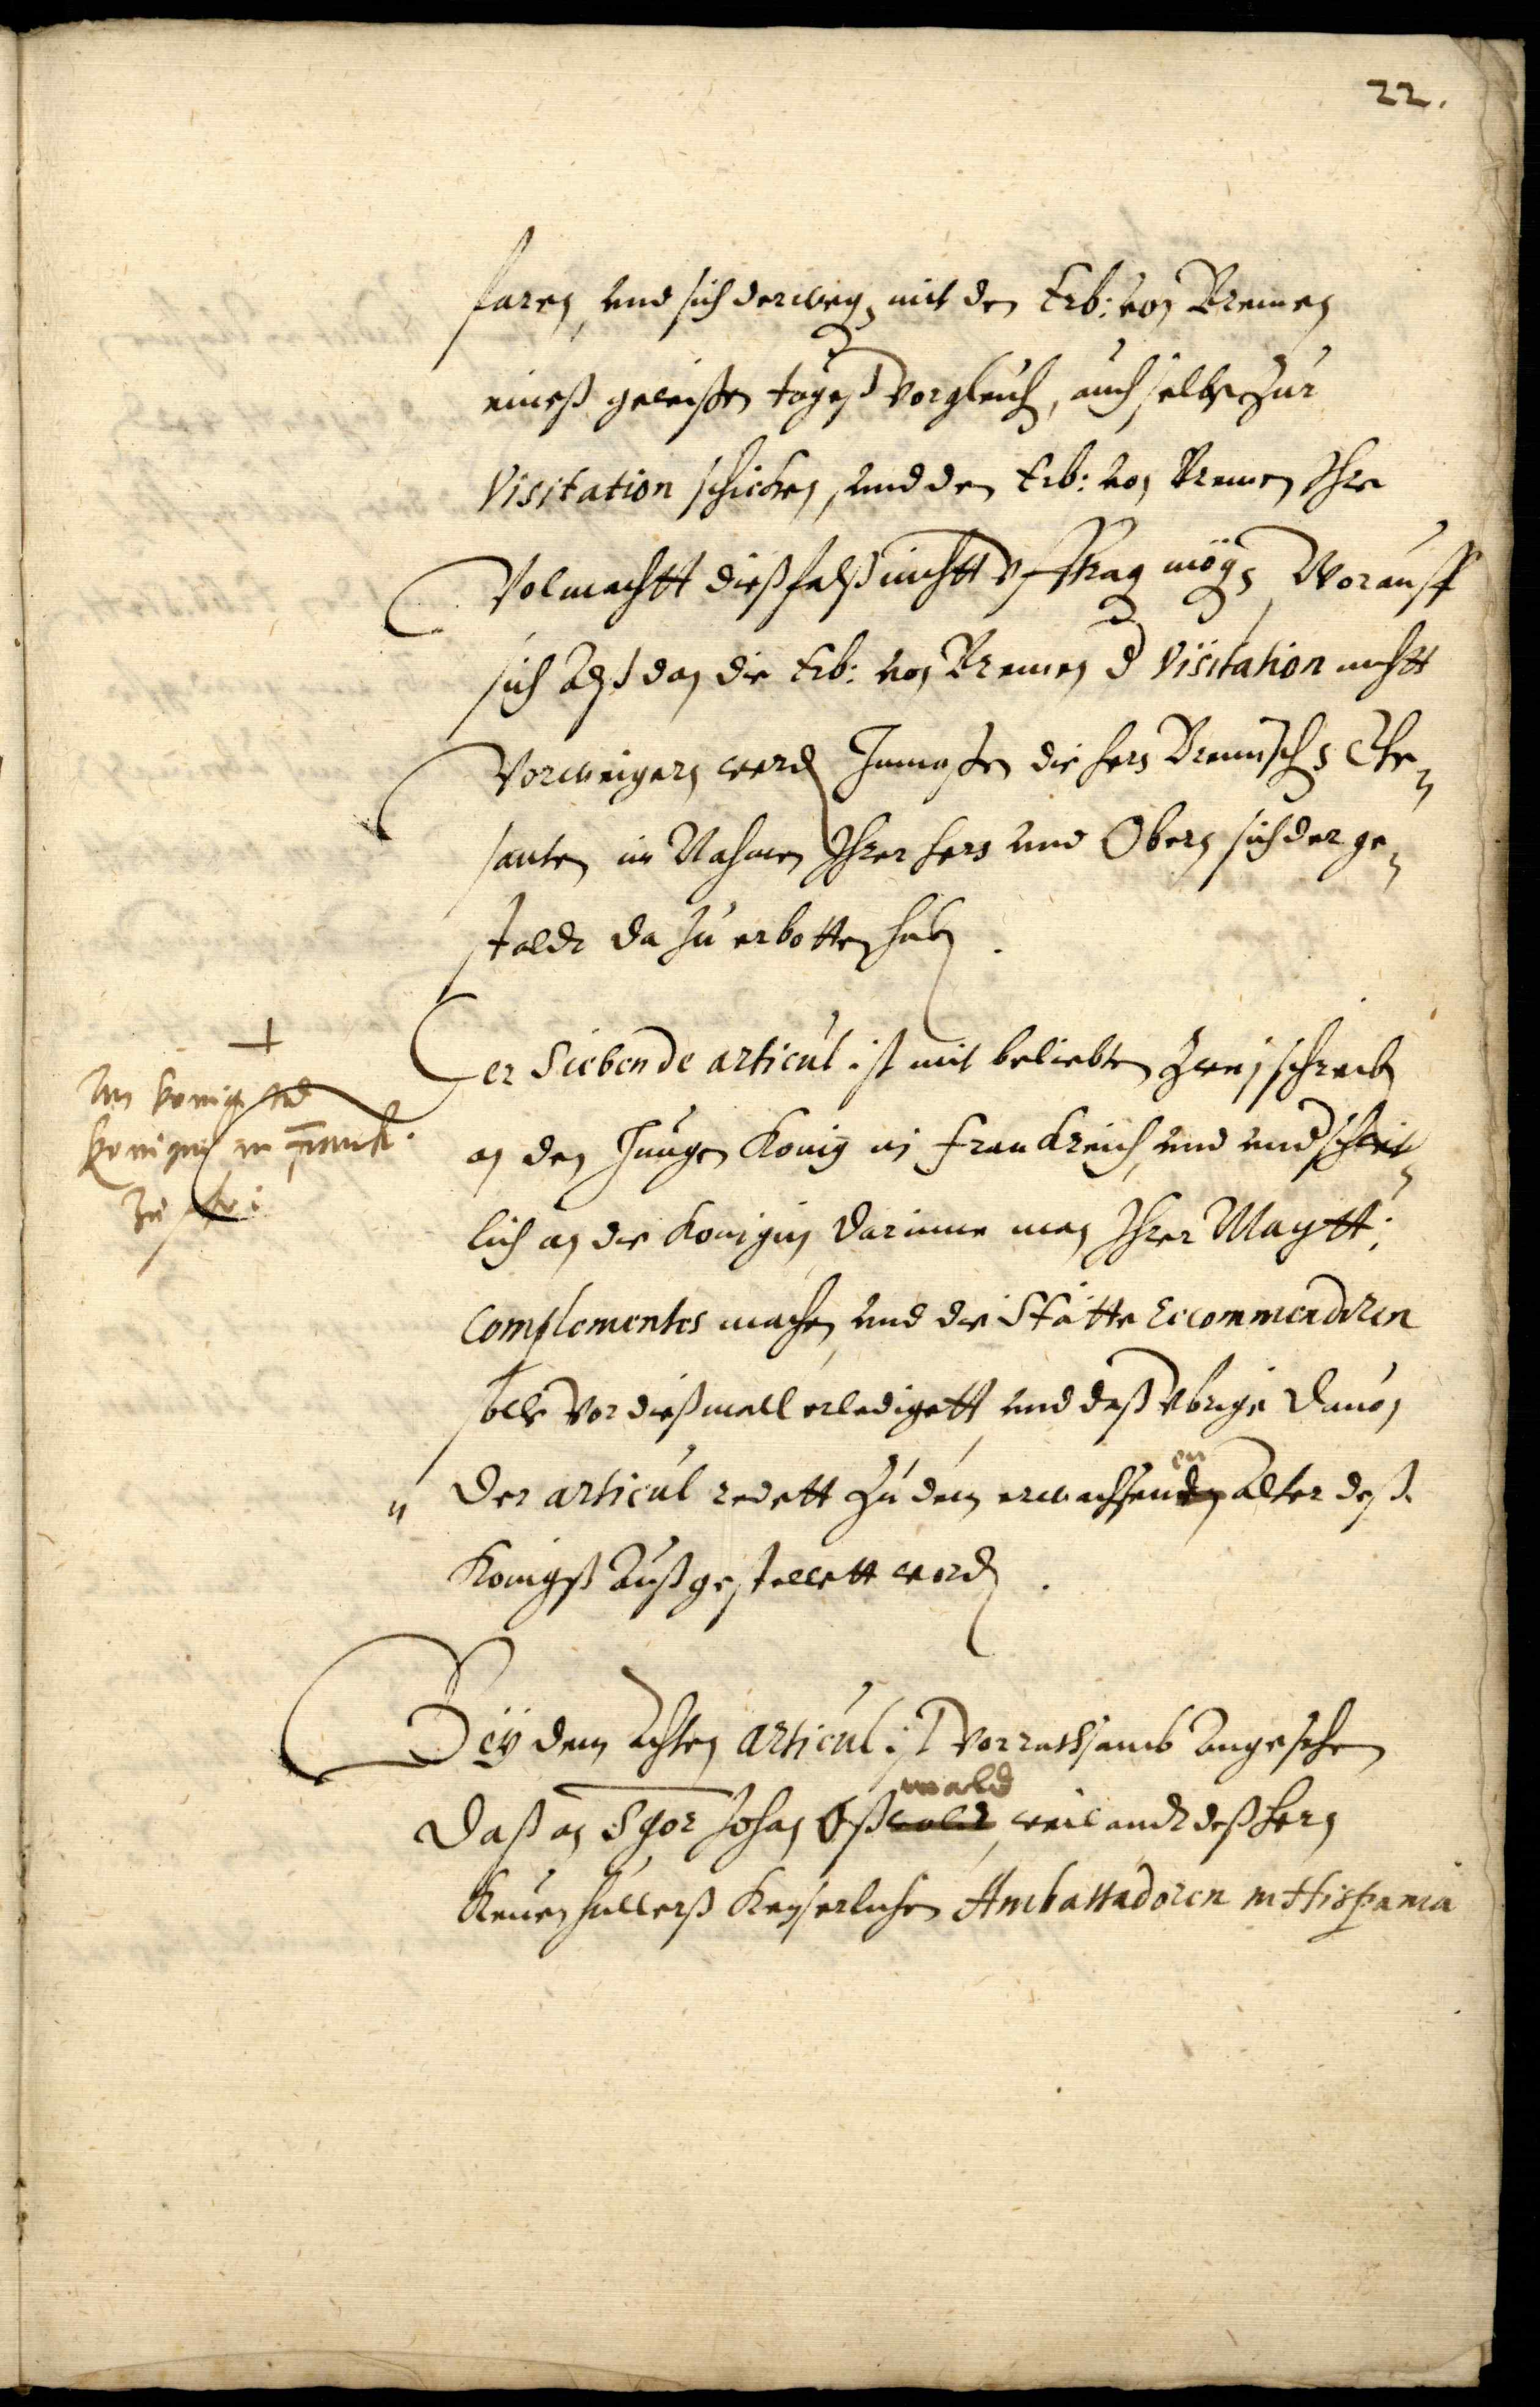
22.
faren, vnd sich derwegen, mit den Erb: von Bremen
eineß gewißen tageß vorgleichen, auch selbst zur
Visitation schicken, vnd den Erb: von Bremen Ihre
Volmachtt dießfalß nichtt Vfftragen mögen, Worauff
sich alß dan die Erb: von Bremen der Visitation nichtt
Vorweigern werden Inmaßen die hern Bremischen Ge¬
santen im Nahmen Ihrer hern vnd Obern sich der ge¬
staldt da zu erbotten haben.
+
An Konig vnd
Konigin in Frank.
zu schr:
Der Siebende articul ist mit beliebten zwej schreiben
an den Jungen Konig in Frankreich vnd underschiet¬
lich an die konigin darinne man Ihrer Maytt:
Complementes machen, und die Stätte recommendiren
solle Vor dießmall erledigett, vnd daß vbrige davon
der articul redett zu dem erwachsendeen Alter deß
konigß Außgestellett worden.
Beij dem Achten articul ist Vor rathsamb Angesehen
Daß an Segnor Johan Oßvoldtwald, weil auch deß hern
Keuenhullerß Keyserlichen Ambassadoren in Hispania
